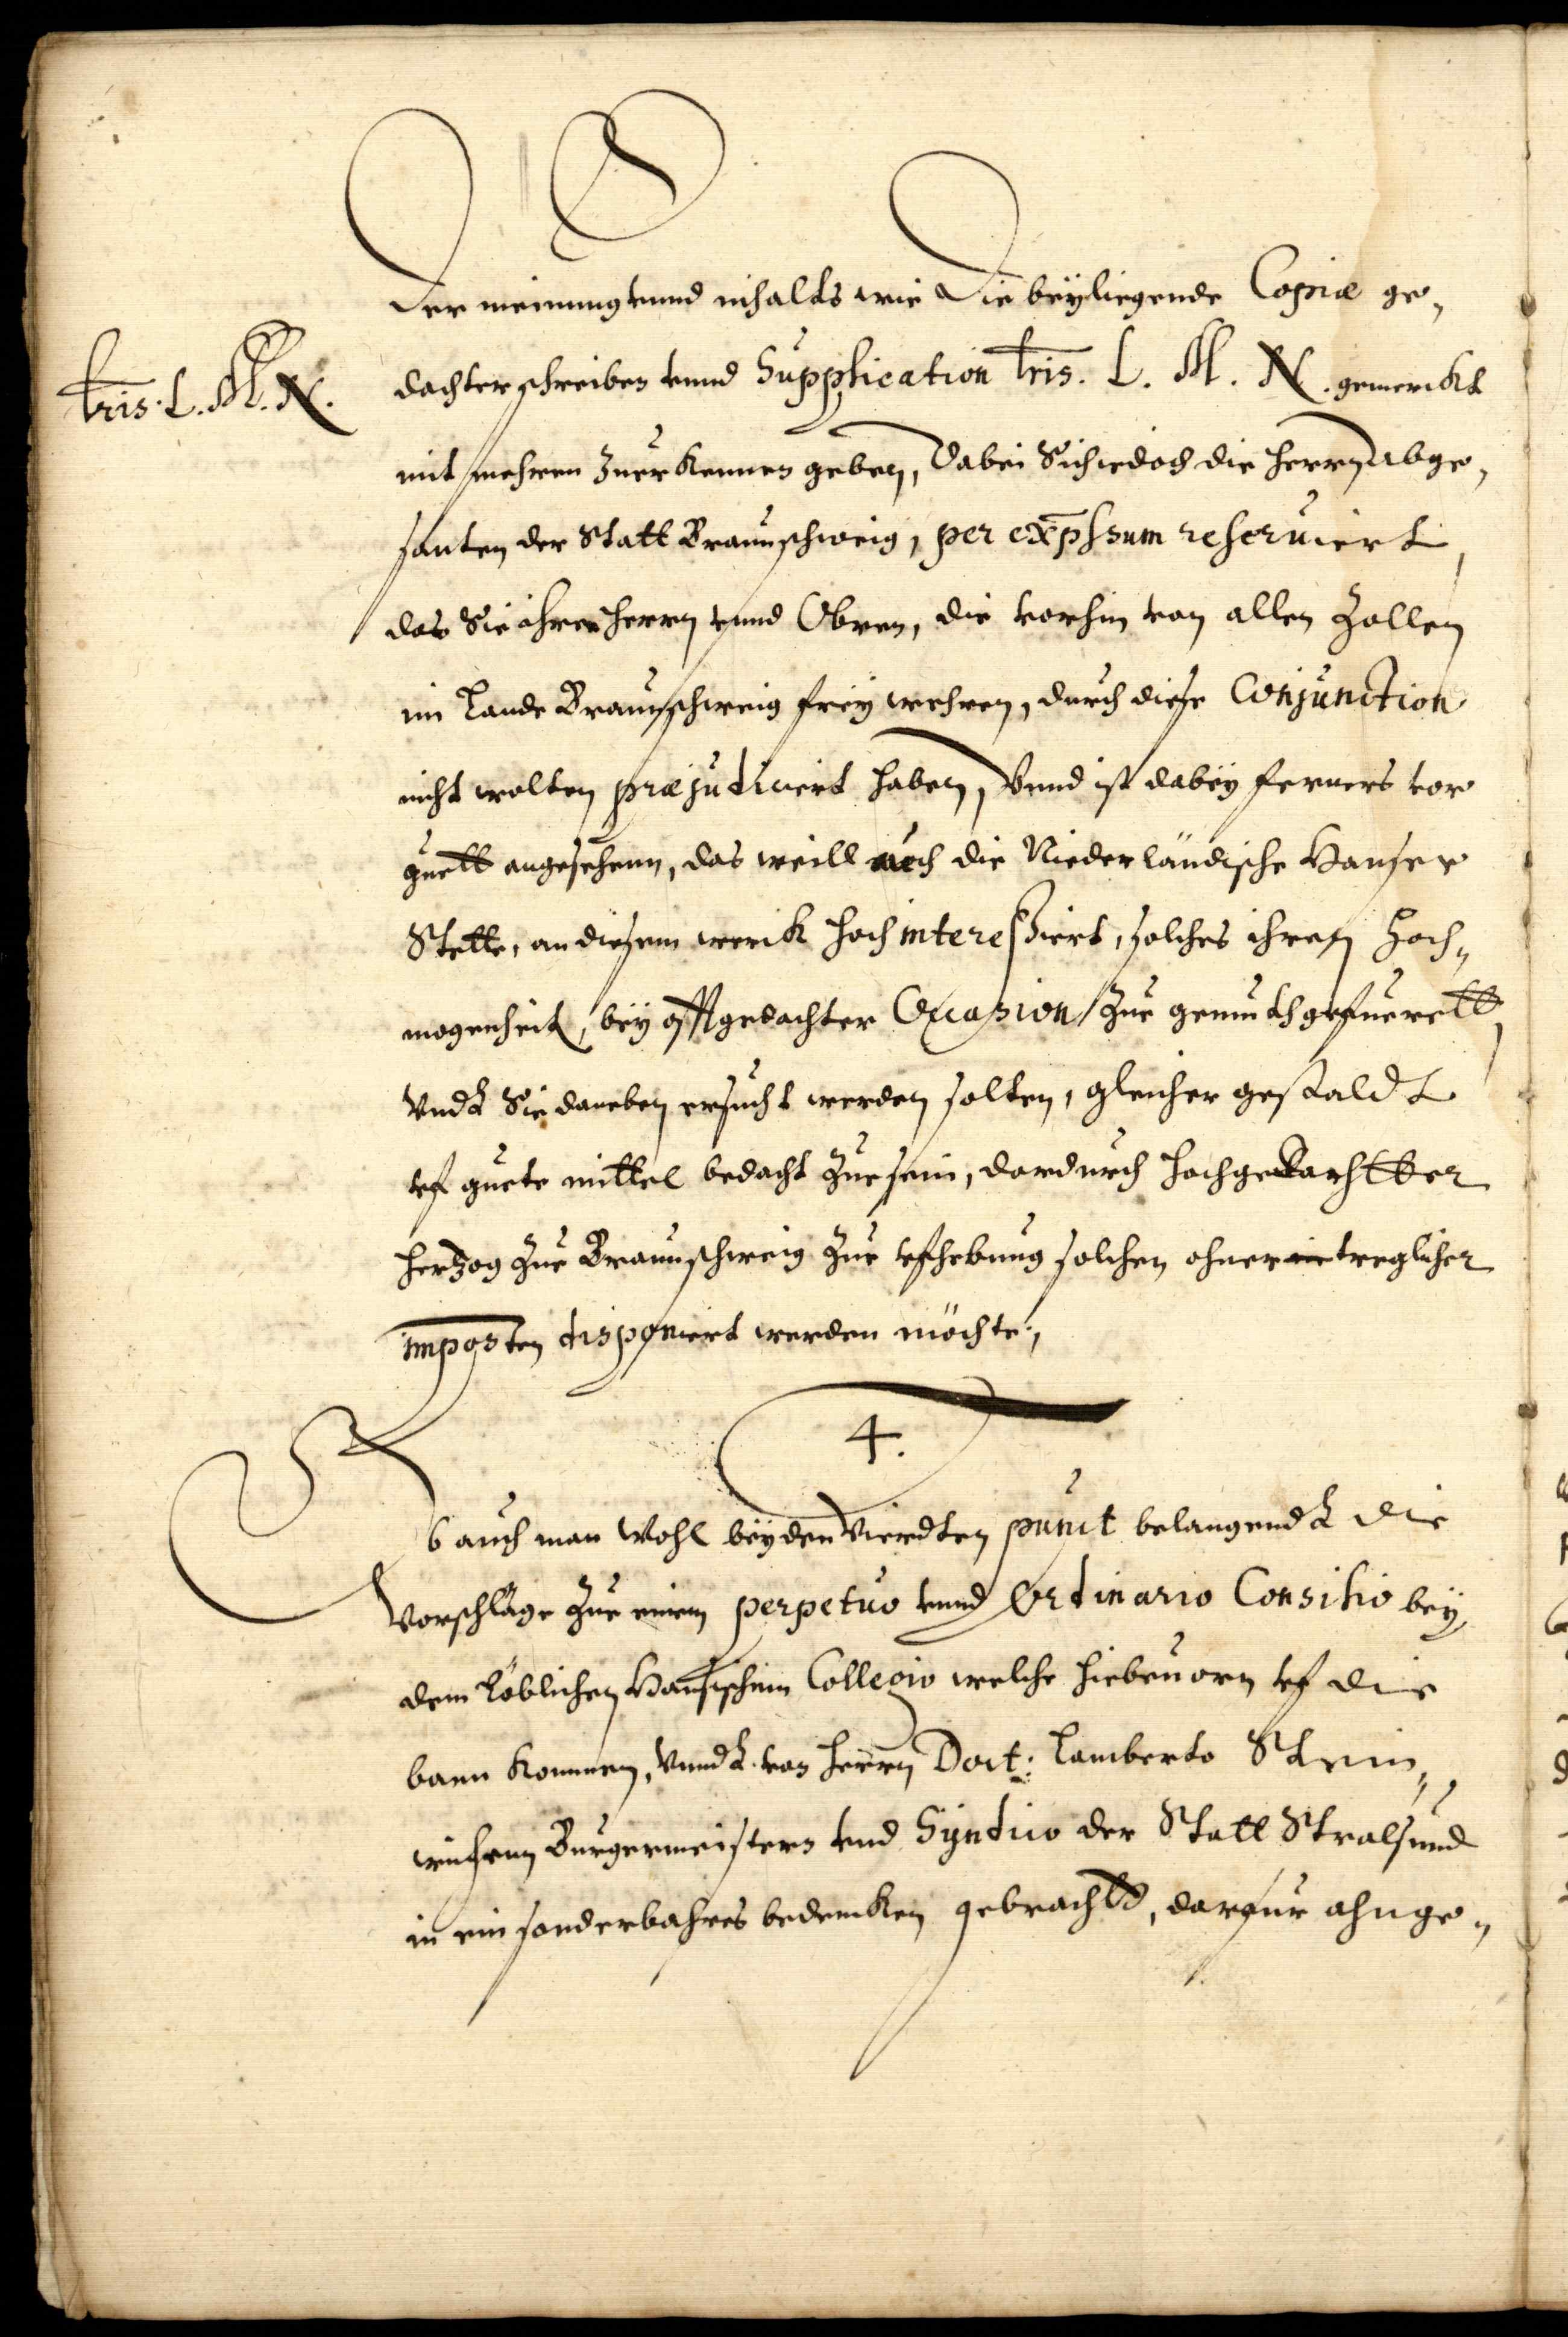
tris L. M. N.
Der meinung vnnd inhalts wie die beijliegende Copia ge¬
gedachter schreiben vnnd Supplication tris. L. M. N. gemerckt
mit mehren zuerkennen geben, Dabei sich iedoch die herrn Abge¬
santen der Statt Braunschweig, per expssum reseruiert,
das sie ihren herrn vnnd Obren, die vorhin von allen Zollen
im Lande Braunschweig freij wehren, durch diese Conjunction
nicht wolten prajudiciert haben, Vnnd ist dabeij ferners vor
guett angesehenn, das weill auch die Niederländische Hansee
Stette, an diesem werck hoch intereßiert, solches ihren Hoch¬
mogenheit, beij offtgedachter Occasion zue gemuthgefuerett,
Vndt sie daneben ersucht werden solten, gleicher gestaldt
Vf guete mittel bedacht zue sein, dardurch hochgedachtter
herzog zue Braunschweeig zue vfhebung solchen ohnerimtreglichen
imposten disponiert werden möchte
4.
Ob auch man Wohl beij der Vierdten punct belangendt die
Vorschläge zue einem perpetuo vnnd Ordinario Consilio beij
dem löblichen hansischen Collegio welche hiebeuorn vf die
bann kommen, Vnndt das herrn Doct: Lamberto Stein¬
wichenn Burgermeistern vnd Sijndico der Statt Stralsund
in ein sonderbahres bedemcken gebrachtt, darfur ahnge¬
